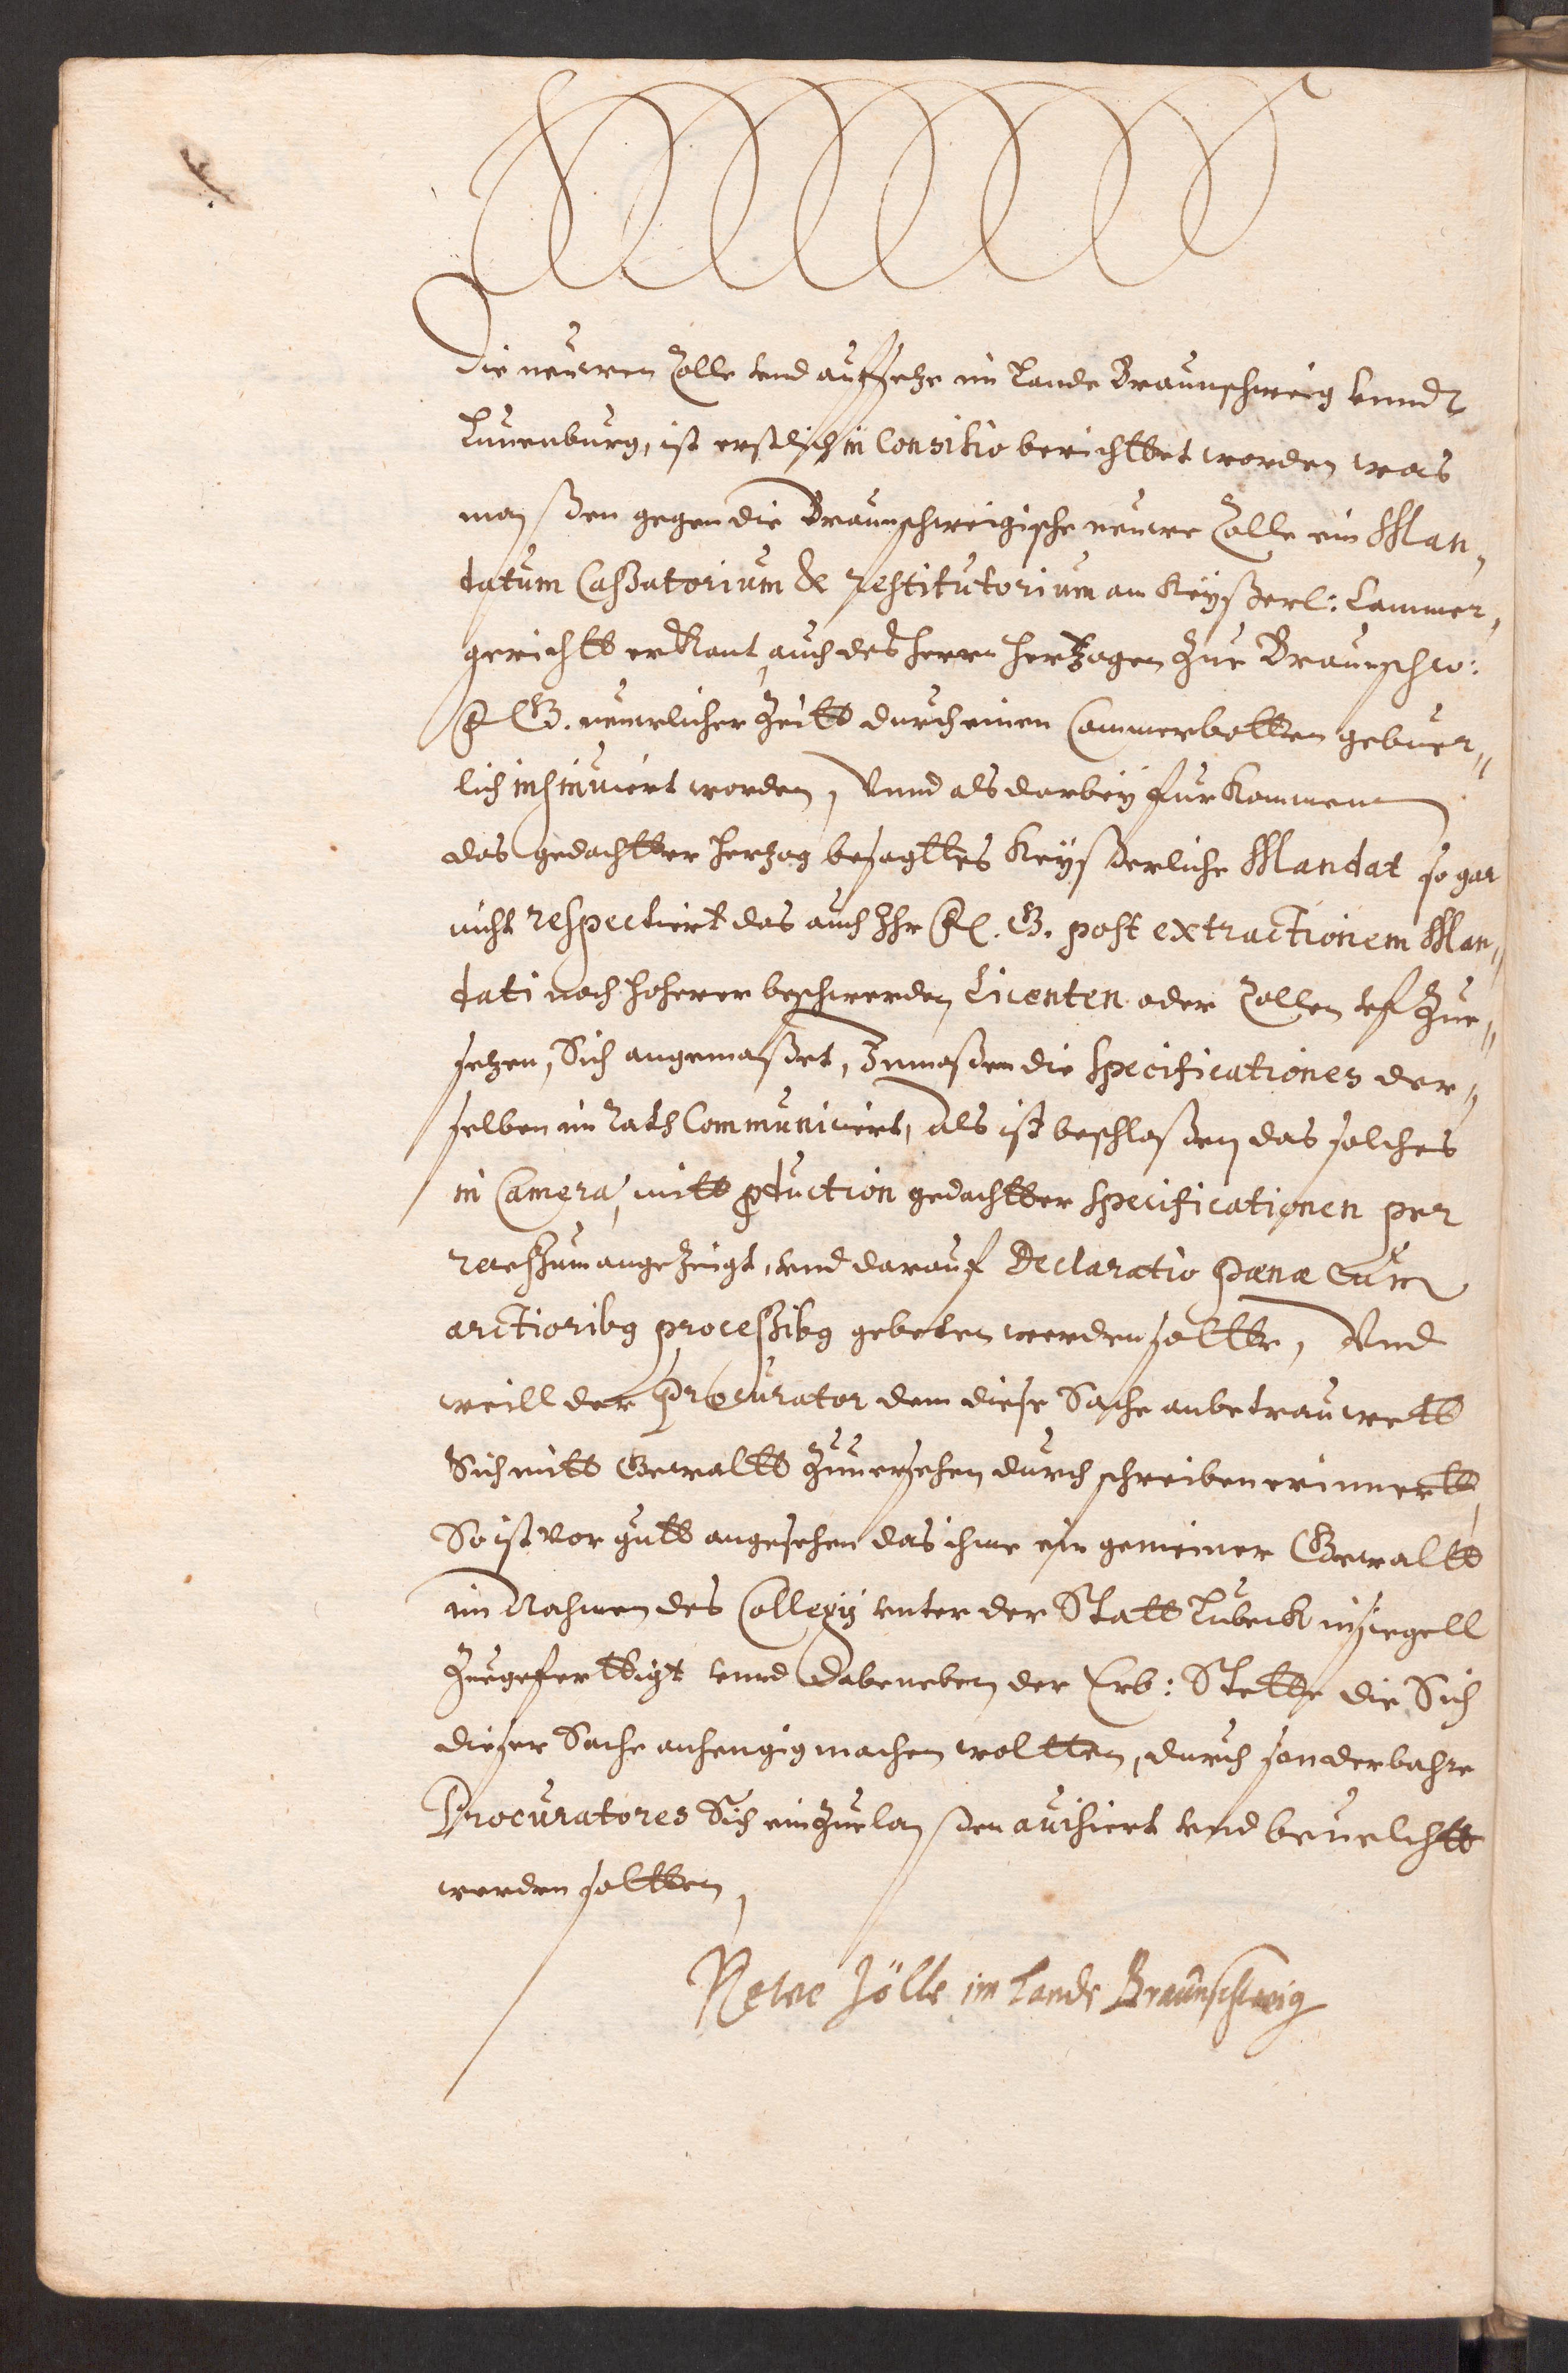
die neuwen Zolle vnd aufsetze im Lande Braunschweig vnndt
Lunenburg, ist erstlich in Consilio berichttet worden was
maßen gegen die Braunschweigische neuwe Zolle ein Man¬
datum Cassatorium & restitutorium an keijßerl: Cammer¬
gerichtt erkant, auch des herrn hertzogen zue Braunschw:
F G. neuwlicher zeitt durch einen Cammerbotten gebuer¬
lich insinuiert worden, Vnnd als darbeij furkommenn
das gedachtter hertzog besagttes keijßerliche Mandat so gar
nicht respectiert das auch Ihr Fl. G. post extractionem Man¬
dati noch hoherer beschwerden Licenten oder Zollen vfzue¬
setzen, Sich angemaßet, Inmaßen die specificationes der¬
selben im rath Communiciert, Als ist beschloßen das solches
in Camera, mitt production gedachtter specificationen per
recessum angezeigt, vnd darauf Declaratio poenae cum
arctioribus processibus gebeten werden soltte, Vnd
weill der procurator dem diese Sache anbetrauwett
Sich mitt Gewaltt zuuersehen durch schreiben erinnertt,
So ist vor gutt angesehen das ihme ein gemeiner Gewaltt
im Nahmen des Collegij vnter der Statt Lubeck insiegell
zuegeferttigt vnnd dabeneben der Erb: Stette die Sich
dieser Sache anhengig machen wollten, durch sonderbahre
Procuratores Sich einzuelaßen auisiert vnd beuelchtt
werden soltten,
Newe Zölle im Lande Braunschweig
